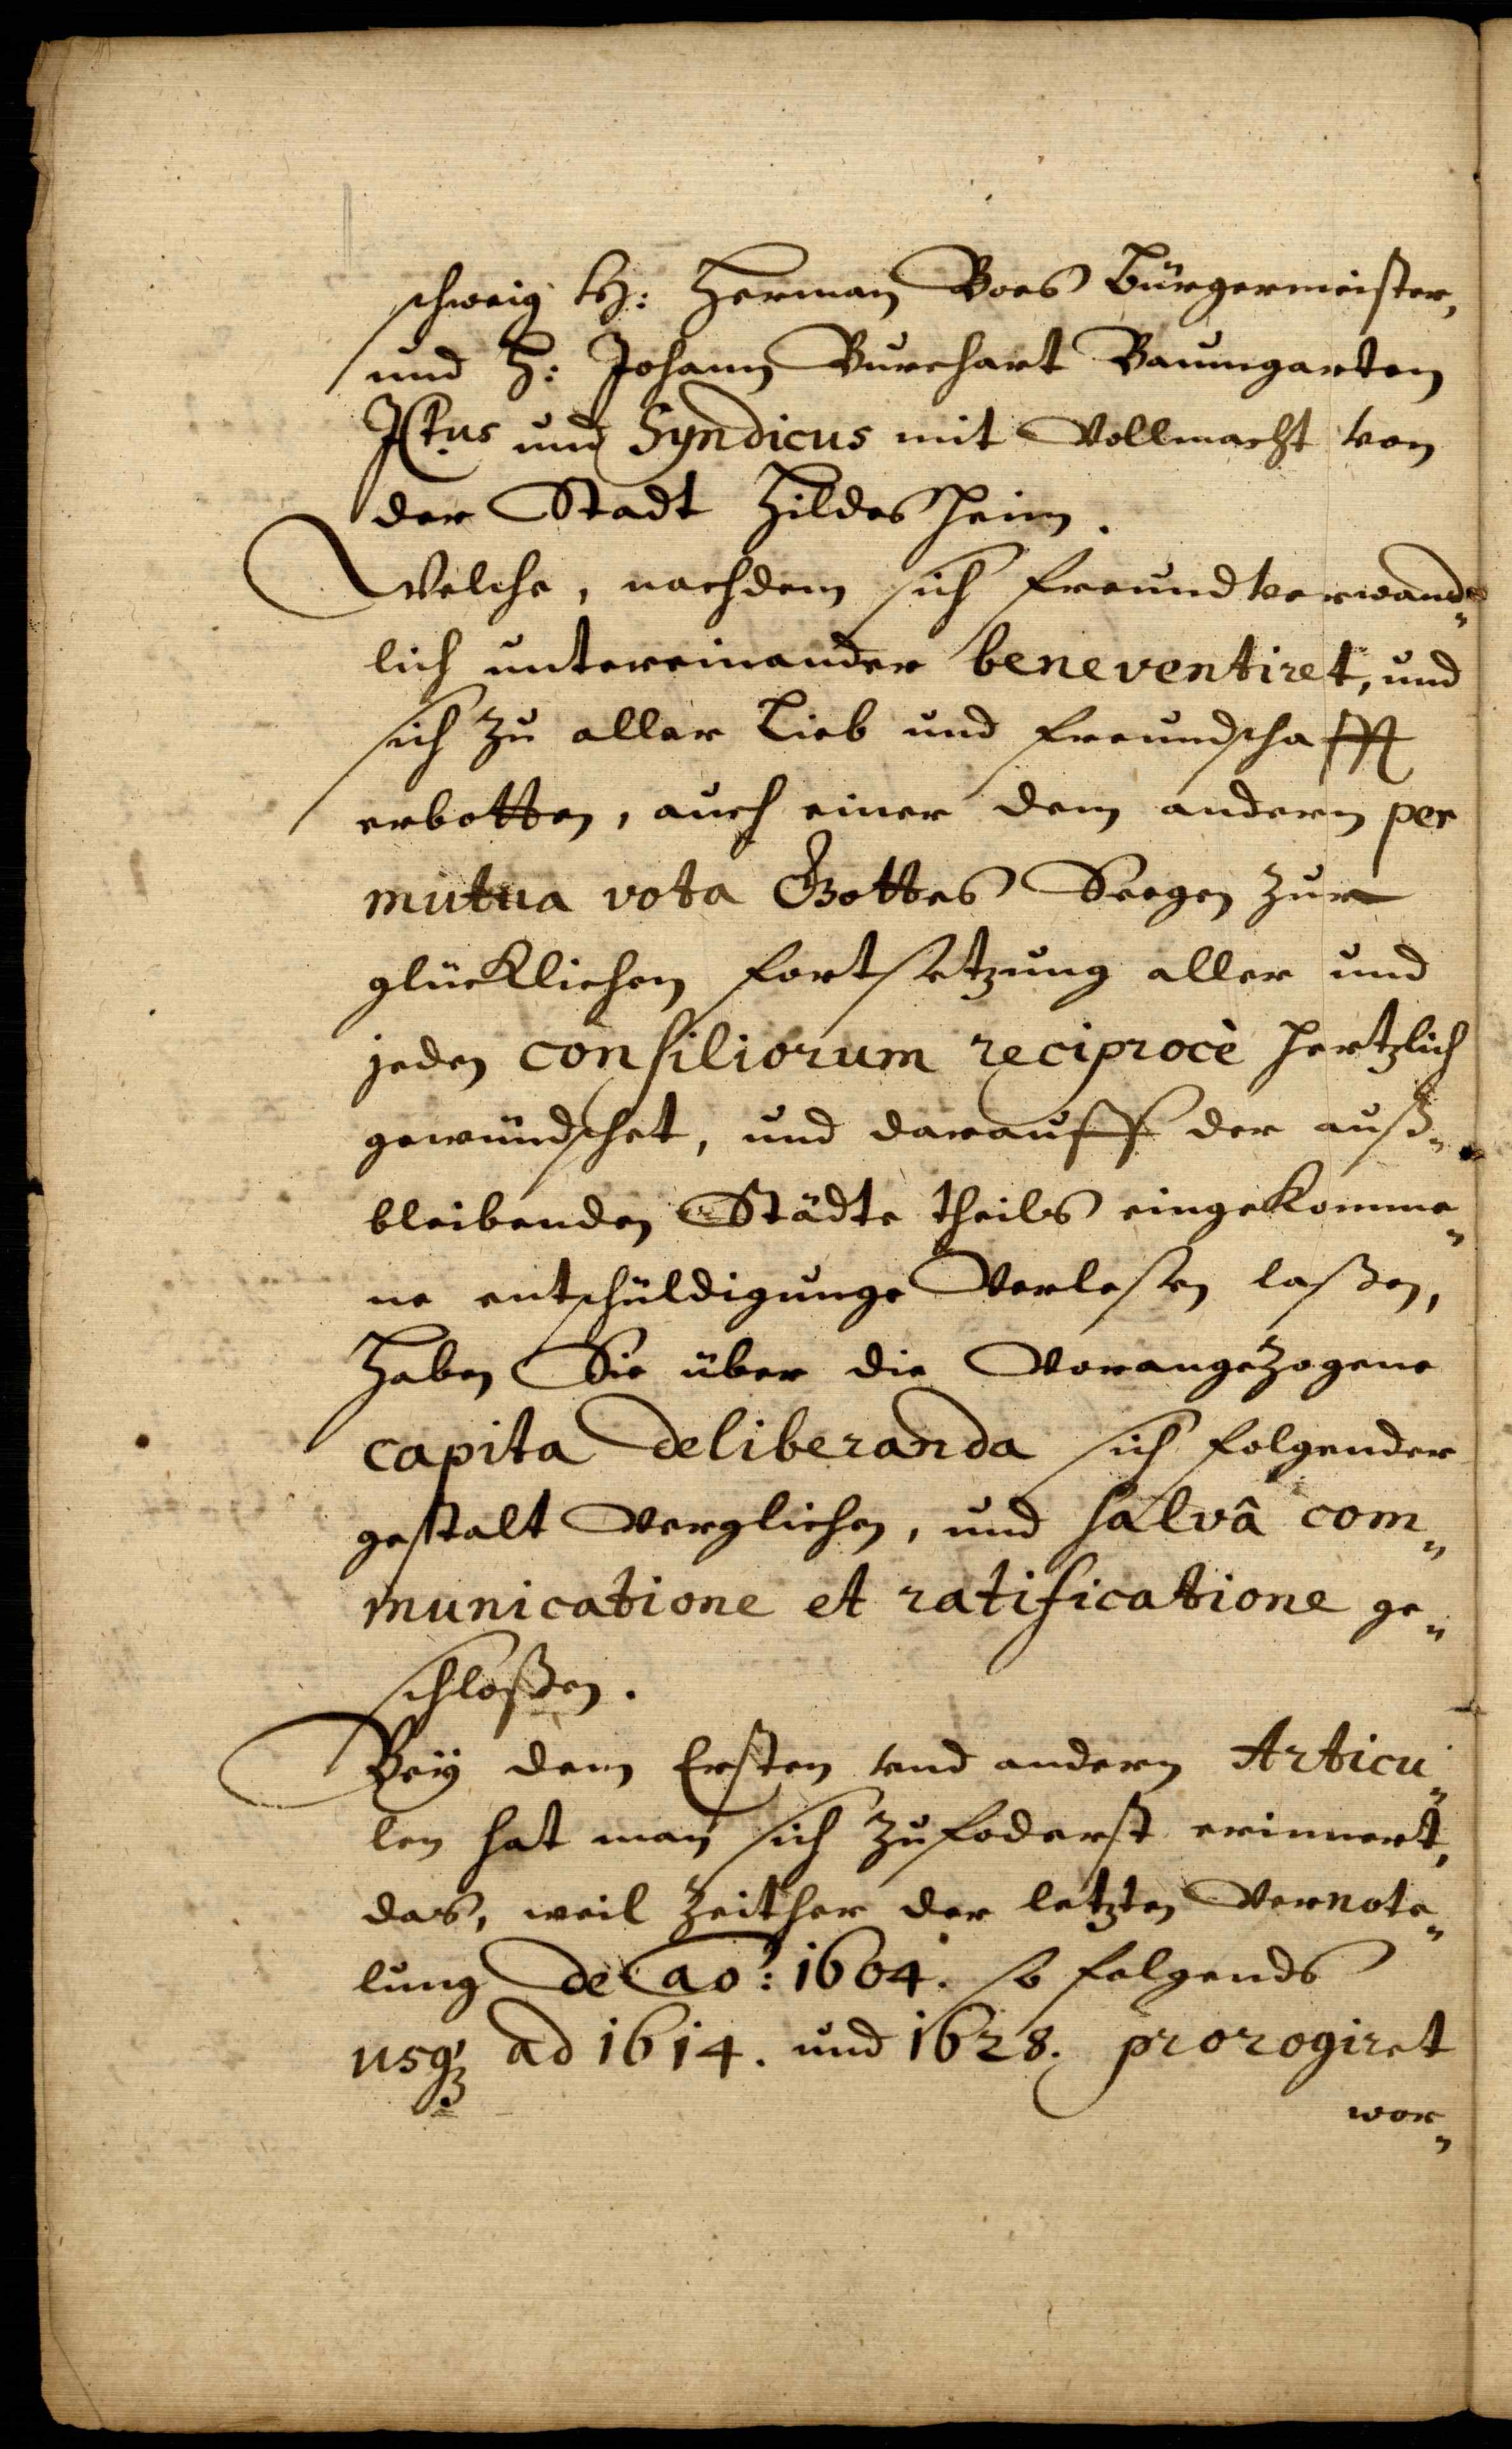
schweig H: Herman Boes Bürgermeister,
und H: Johann Burchart Baumgarten
JC.tus und Syndicus mit Vollmacht von
der Stadt Hildesheim.
Welche, nachdem sich freundtverwand¬
lich untereinander beneventiret, und
sich zu aller Lieb und freundschafft
erbotten, auch einer dem anderen per
mutua vota Gottes Segen zur
glücklichen fortsetzung aller und
jeder consiliorum reciproce hertzlich
gewündschet, und darauff der auß¬
bleibenden Städte theils eingekomme¬
ne entschüldigunge verlesen laßen,
Haben Sie über die vorangezogene
capita deliberanda sich folgender
gestalt verglichen, und salvâ com¬
municatione et ratificatione ge¬
schloßen.
Beij dem Ersten vnd andern Articu¬
len hat man sich zufoderst erinnert,
das, weil zeither der letzten vernote¬
lung de anno 1604. so folgends
usque ad 1614. und 1628. prorogiret
wor¬
